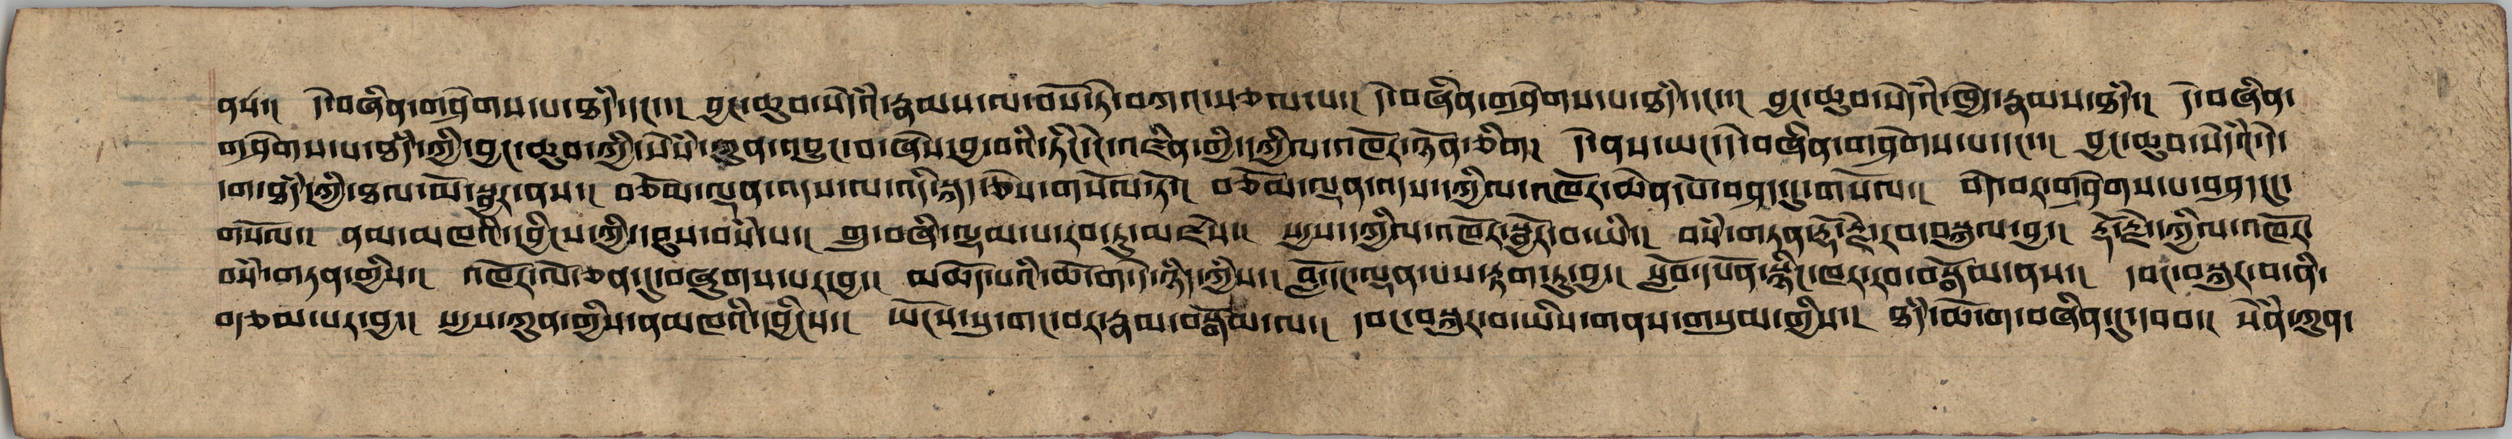ནས་། དེ་བཞིན་གཤེགས་པ་ཐཾད་དང་་། བྱང་ཆུབ་སེདཾའ་རྣམས་ལ་བོས་ཏེ་བཀའ་སྩལ་པ་། དེ་བཞིན་གཤེགས་པ་ཐཾད་དང་་། བྱང་ཆུབ་སེདཾའ་ཁྱེད་རྣམས་ཐཾད་། དེ་བཞིན་
གཤེགས་པ་ཐཾད་ཀྱི་བྱང་ཆུབ་ཀྱི་སེསཾ་ཀུན་འབྱུང་བ་ཞེས་བྱ་བའི་ཏིང་ངེ་འཛིན་གྱི་དཀྱིལ་འཁོར་ཉོན་ཅིག། དེ་ནས་ཡང་དེ་བཞིན་གཤེགས་པ་དང་་། བྱང་ཆུབ་སེདཾའ་དེ་
དག་ཐདཾ་ཀྱི་ཐལ་མོ་སྦྱར་ནས་། བཅོམ་ལྡན་འདས་ལ་འདི་སྐད་ཅེས་གསོལ་ཏོ་། བཅོམ་ལྡན་འདས་དཀྱིལ་འཁོར་ཆེན་པོ་བཤད་དུ་གསོལ་། བདེ་བར་གཤེགས་པ་བཤད་དུ་
གསོལ་། ནམ་མཁའི་དབྱིངས་ཀྱི་དབུས་བསཾ་པ་། གྲུབ་བཞི་ལྷམ་པ་རབ་ཏུ་མཛེས་། སདྱས་དཀྱིལ་འཁོར་སྦྱོར་བ་ཡི་། བསཾ་གཏན་རྡོ་རྗེ་རབ་བསྐུལ་བྱ་། རྡོ་རྗེ་དཀྱིལ་འཁོར་
བསཾ་གཏན་གྱིས་། འཁོར་ལོ་ཅན་དུ་བཞུགས་པར་བྱ་། མཆོད་པའི་ཆོ་ག་དེ་ཉིད་ཀྱིས་། བློ་དང་ལྡན་པས་རྟག་ཏུ་བྱ་། སློབ་དཔོན་སྙིང་ཁར་རབ་བསྒོམ་ནས་། དབང་བསྐུར་བ་ནི་
བརྩམ་པར་བྱ་། སདྱས་ཀུན་གྱིས་ནམཁའི་དབྱིངས་། ཡོངས་སུ་གང་བར་རྣམ་བསྒོམ་ལ་། དབང་བསྐུར་བ་ཡིས་གནས་གསུམ་གྱིས་། ཐདཾ་ཆོ་ག་བཞིན་དུ་དབབ་། སེཾན་ཀུན་